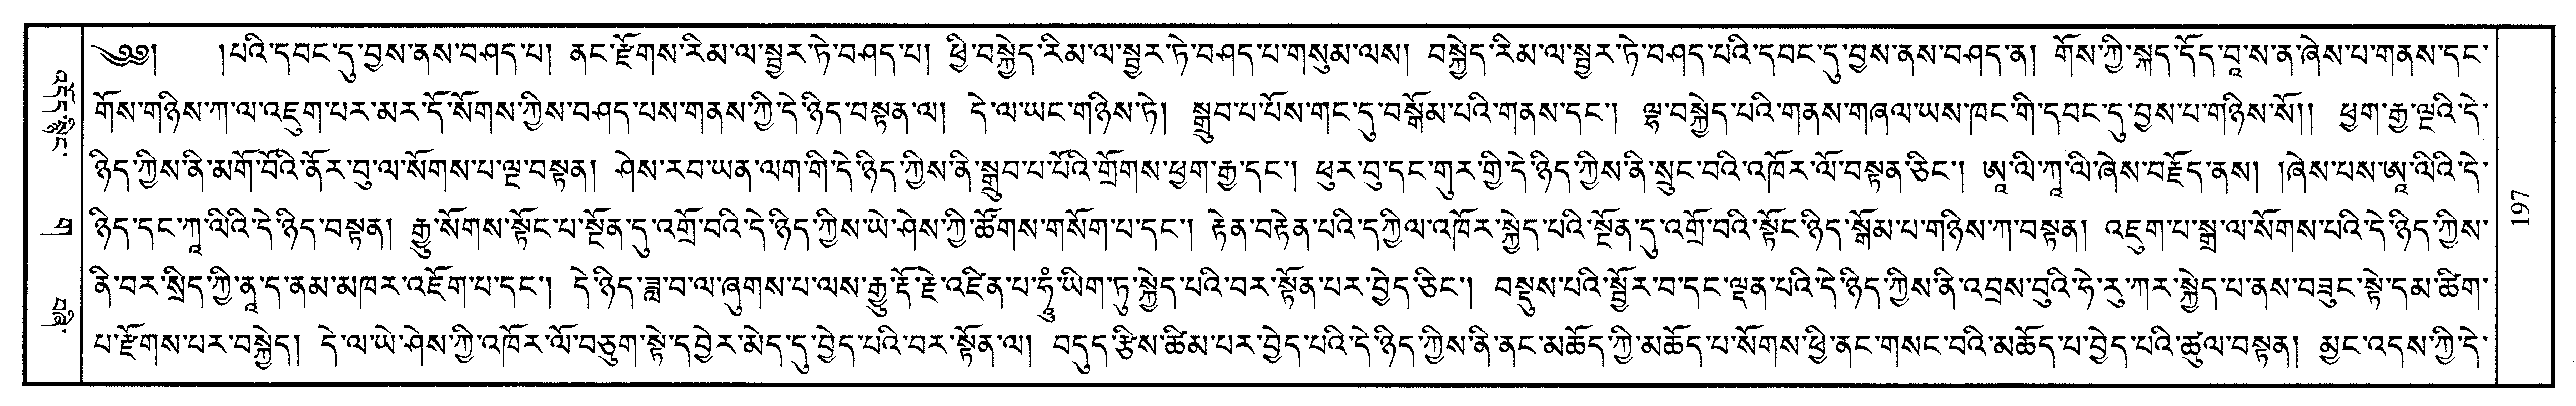༄༅། །པའི་དབང་དུ་བྱས་ནས་བཤད་པ། ནང་རྫོགས་རིམ་ལ་སྦྱར་ཏེ་བཤད་པ། ཕྱི་བསྐྱེད་རིམ་ལ་སྦྱར་ཏེ་བཤད་པ་གསུམ་ལས། བསྐྱེད་རིམ་ལ་སྦྱར་ཏེ་བཤད་པའི་དབང་དུ་བྱས་ནས་བཤད་ན། གོས་ཀྱི་སྐད་དོད་བཱ་ས་ན་ཞེས་པ་གནས་དང་
གོས་གཉིས་ཀ་ལ་འཇུག་པར་མར་དོ་སོགས་ཀྱིས་བཤད་པས་གནས་ཀྱི་དེ་ཉིད་བསྟན་ལ། དེ་ལ་ཡང་གཉིས་ཏེ། སྒྲུབ་པ་པོས་གང་དུ་བསྒོམ་པའི་གནས་དང་། ལྷ་བསྐྱེད་པའི་གནས་གཞལ་ཡས་ཁང་གི་དབང་དུ་བྱས་པ་གཉིས་སོ།། ཕྱག་རྒྱ་ལྔའི་དེ་
ཉིད་ཀྱིས་ནི་མགོ་བོའི་ནོར་བུ་ལ་སོགས་པ་ལྔ་བསྟན། ཤེས་རབ་ཡན་ལག་གི་དེ་ཉིད་ཀྱིས་ནི་སྒྲུབ་པ་པོའི་གྲོགས་ཕྱག་རྒྱ་དང་། ཕུར་བུ་དང་གུར་གྱི་དེ་ཉིད་ཀྱིས་ནི་སྲུང་བའི་འཁོར་ལོ་བསྟན་ཅིང་། ཨཱ་ལི་ཀཱ་ལི་ཞེས་བརྗོད་ནས། །ཞེས་པས་ཨཱ་ལིའི་དེ་
ཉིད་དང་ཀཱ་ལིའི་དེ་ཉིད་བསྟན། རྒྱུ་སོགས་སྟོང་པ་སྔོན་དུ་འགྲོ་བའི་དེ་ཉིད་ཀྱིས་ཡེ་ཤེས་ཀྱི་ཚོགས་གསོག་པ་དང་། རྟེན་བརྟེན་པའི་དཀྱིལ་འཁོར་སྐྱེད་པའི་སྔོན་དུ་འགྲོ་བའི་སྟོང་ཉིད་སྒོམ་པ་གཉིས་ཀ་བསྟན། འཇུག་པ་སྒྲ་ལ་སོགས་པའི་དེ་ཉིད་ཀྱིས་
ནི་བར་སྲིད་ཀྱི་ནཱ་ད་ནམ་མཁར་འཇོག་པ་དང་། དེ་ཉིད་ཟླ་བ་ལ་ཞུགས་པ་ལས་རྒྱུ་རྡོ་རྗེ་འཛིན་པ་ཧཱུཾ་ཡིག་ཏུ་སྐྱེད་པའི་བར་སྟོན་པར་བྱེད་ཅིང་། བསྡུས་པའི་སྦྱོར་བ་དང་ལྡན་པའི་དེ་ཉིད་ཀྱིས་ནི་འབྲས་བུའི་ཧེ་རུ་ཀར་སྐྱེད་པ་ནས་བཟུང་སྟེ་དམ་ཚིག་
པ་རྫོགས་པར་བསྐྱེད། དེ་ལ་ཡེ་ཤེས་ཀྱི་འཁོར་ལོ་བཅུག་སྟེ་དབྱེར་མེད་དུ་བྱེད་པའི་བར་སྟོན་ལ། བདུད་རྩིས་ཚིམ་པར་བྱེད་པའི་དེ་ཉིད་ཀྱིས་ནི་ནང་མཆོད་ཀྱི་མཆོད་པ་སོགས་ཕྱི་ནང་གསང་བའི་མཆོད་པ་བྱེད་པའི་ཚུལ་བསྟན། མྱང་འདས་ཀྱི་དེ་